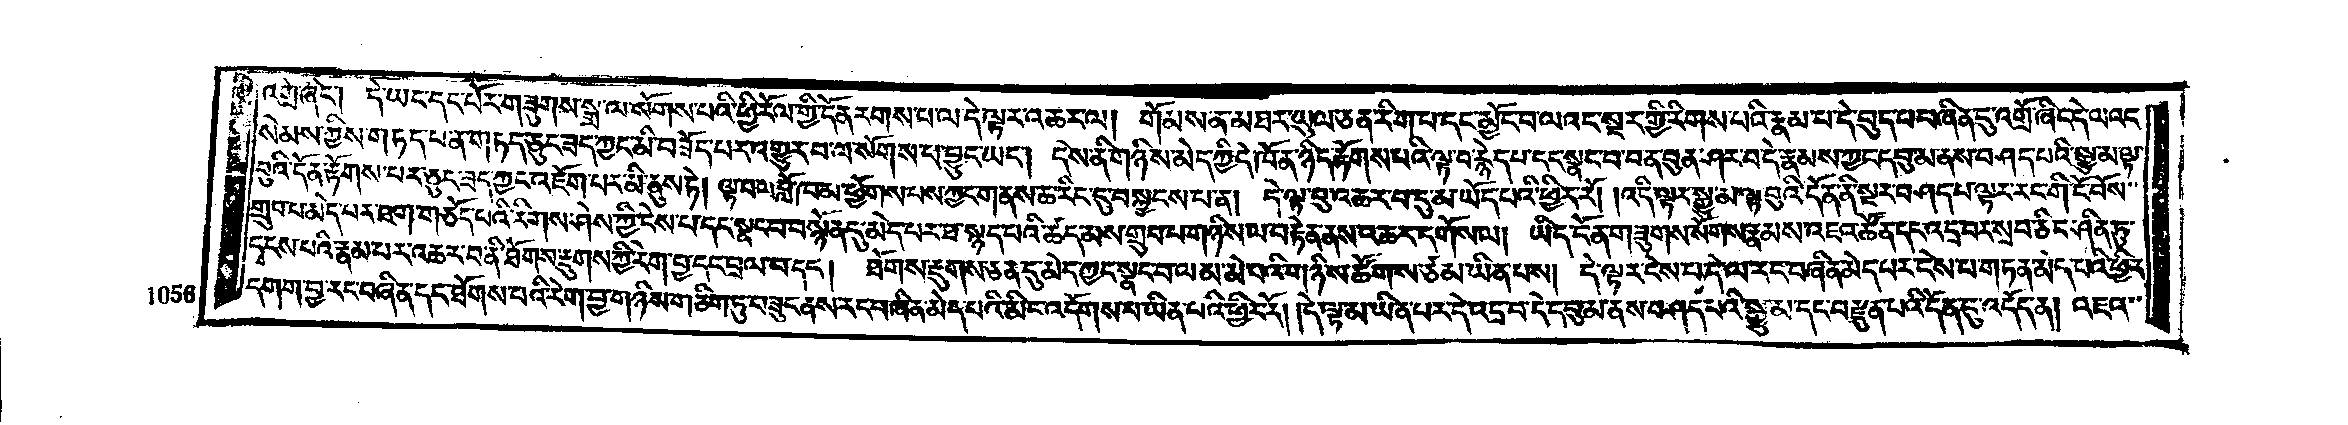འགྲོ་ཞིང་། དེ་ཡང་དང་པོར་གཟུགས་སྒྲ་ལ་སོགས་པའི་ཕྱི་རོལ་གྱི་དོན་རགས་པ་ལ་དེ་ལྟར་འཆར་ལ། གོམས་ན་མཐར་ཡུལ་ཅན་རིག་པ་དང་མྱོང་བ་ལའང་སྔར་གྱི་རིགས་པའི་རྣམ་པ་དེ་བུད་པ་བཞིན་དུ་འགྲོ་ཞིང་དེ་ལའང་
སེམས་ཀྱིས་གཏད་པ་ན་གཏད་ཅུང་ཟད་ཀྱང་མི་བཟོད་པར་འགྱུར་བ་ལ་སོགས་པ་བྱུང་ཡང་། དེས་ནི་གཉིས་མེད་ཀྱི་དེ་ཁོ་ན་ཉིད་རྟོགས་པའི་ལྟ་བ་རྙེད་པ་དང་སྣང་བ་བན་བུན་ཤར་བ་དེ་རྣམས་ཀྱང་དབུ་མ་ནས་བཤད་པའི་སྒྱུ་མ་ལྟ་
བུའི་དོན་རྟོགས་པར་ཅུང་ཟད་ཀྱང་འཇོག་པར་མི་ནུས་ཏེ། ལྟ་བ་ལ་བློ་ཁ་མ་ཕྱོགས་པས་ཀྱང་གནས་ཆ་རིང་དུ་བསྐྱངས་པ་ན། དེ་ལྟ་བུ་འཆར་བ་དུ་མ་ཡོད་པའི་ཕྱིར་རོ། །འདི་ལྟར་སྒྱུ་མ་ལྟ་བུའི་དོན་ནི་སྔར་བཤད་པ་ལྟར་རང་གི་ངོ་བོས་
གྲུབ་པ་མེད་པར་ཐག་གཅོད་པའི་རིགས་ཤེས་ཀྱི་ངེས་པ་དང་སྣང་བ་བསྙོན་དུ་མེད་པར་ཐ་སྙད་པའི་ཚད་མས་གྲུབ་པ་གཉིས་ལ་བརྟེན་ནས་འཆར་དགོས་ལ། ཡིད་ངོན་གཟུགས་སོགས་རྣམས་འཇའ་ཚོན་དང་འདྲ་བར་སྲབ་ཅིང་ཤིན་ཏུ་
དྭངས་པའི་རྣམ་པར་འཆར་བ་ནི་ཐོགས་རྡུགས་ཀྱི་རེག་བྱ་དང་བྲལ་བ་དང་། ཐོགས་རྡུགས་ཅན་དུ་མེད་ཀྱང་སྣང་བ་ལམ་མེ་བའི་གཉིས་ཚོགས་ཙམ་ཡིན་པས། དེ་ལྟར་ངེས་པ་དེ་ལ་རང་བཞིན་མེད་པར་ངེས་པ་གཏན་མེད་པའི་ཕྱིར་
དགག་བྱ་རང་བཞིན་དང་ཐོགས་པའི་རེག་བྱ་གཉིས་གཅིག་ཏུ་བཟུང་ནས་རང་བཞིན་མེད་པའི་མིང་འདོགས་པ་ཡིན་པའི་ཕྱིར་རོ། །དེ་ལྟ་མ་ཡིན་པར་དེ་འདྲ་བ་དེ་དབུ་མ་ནས་བཤད་པའི་སྒྱུ་མ་དང་བརྫུན་པའི་དོན་དུ་འདོད་ན། འཇའ་